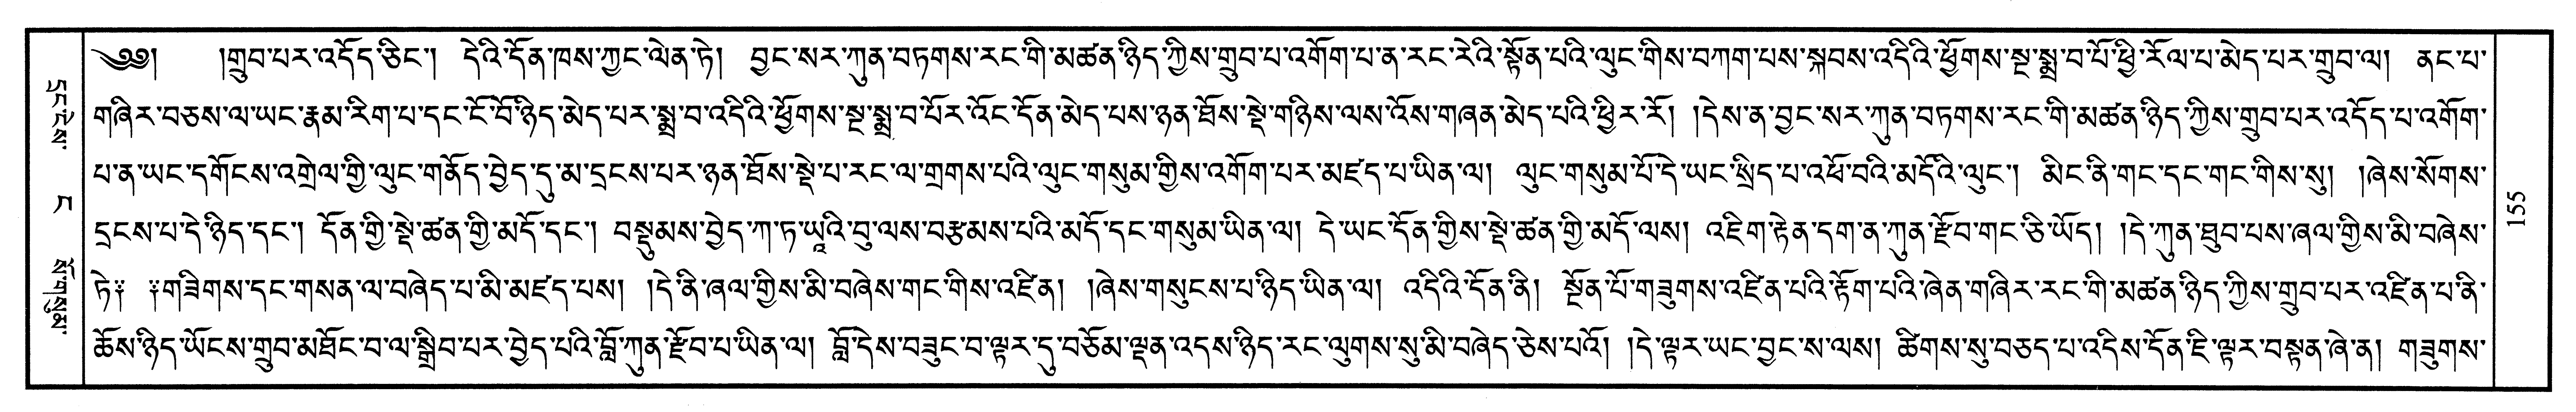༄༅། །གྲུབ་པར་འདོད་ཅིང་། དེའི་དོན་ཁས་ཀྱང་ལེན་ཏེ། བྱང་སར་ཀུན་བཏགས་རང་གི་མཚན་ཉིད་ཀྱིས་གྲུབ་པ་འགོག་པ་ན་རང་རེའི་སྟོན་པའི་ལུང་གིས་བཀག་པས་སྐབས་འདིའི་ཕྱོགས་སྔ་སྨྲ་བ་པོ་ཕྱི་རོལ་པ་མེད་པར་གྲུབ་ལ། ནང་པ་
གཞིར་བཅས་ལ་ཡང་རྣམ་རིག་པ་དང་ངོ་བོ་ཉིད་མེད་པར་སྨྲ་བ་འདིའི་ཕྱོགས་སྔ་སྨྲ་བ་པོར་འོང་དོན་མེད་པས་ཉན་ཐོས་སྡེ་གཉིས་ལས་འོས་གཞན་མེད་པའི་ཕྱིར་རོ། །དེས་ན་བྱང་སར་ཀུན་བཏགས་རང་གི་མཚན་ཉིད་ཀྱིས་གྲུབ་པར་འདོད་པ་འགོག་
པ་ན་ཡང་དགོངས་འགྲེལ་གྱི་ལུང་གནོད་བྱེད་དུ་མ་དྲངས་པར་ཉན་ཐོས་སྡེ་པ་རང་ལ་གྲགས་པའི་ལུང་གསུམ་གྱིས་འགོག་པར་མཛད་པ་ཡིན་ལ། ལུང་གསུམ་པོ་དེ་ཡང་སྲིད་པ་འཕོ་བའི་མདོའི་ལུང་། མིང་ནི་གང་དང་གང་གིས་སུ། །ཞེས་སོགས་
དྲངས་པ་དེ་ཉིད་དང་། དོན་གྱི་སྡེ་ཚན་གྱི་མདོ་དང་། བསྡུམས་བྱེད་ཀ་ཏ་ཡཱའི་བུ་ལས་བརྩམས་པའི་མདོ་དང་གསུམ་ཡིན་ལ། དེ་ཡང་དོན་གྱིས་སྡེ་ཚན་གྱི་མདོ་ལས། འཇིག་རྟེན་དག་ན་ཀུན་རྫོབ་གང་ཅི་ཡོད། །དེ་ཀུན་ཐུབ་པས་ཞལ་གྱིས་མི་བཞེས་
ཏེ༑ ༑གཟིགས་དང་གསན་ལ་བཞེད་པ་མི་མཛད་པས། །དེ་ནི་ཞལ་གྱིས་མི་བཞེས་གང་གིས་འཛིན། །ཞེས་གསུངས་པ་ཉིད་ཡིན་ལ། འདིའི་དོན་ནི། སྔོན་པོ་གཟུགས་འཛིན་པའི་རྟོག་པའི་ཞེན་གཞིར་རང་གི་མཚན་ཉིད་ཀྱིས་གྲུབ་པར་འཛིན་པ་ནི་
ཆོས་ཉིད་ཡོངས་གྲུབ་མཐོང་བ་ལ་སྒྲིབ་པར་བྱེད་པའི་བློ་ཀུན་རྫོབ་པ་ཡིན་ལ། བློ་དེས་བཟུང་བ་ལྟར་དུ་བཅོམ་ལྡན་འདས་ཉིད་རང་ལུགས་སུ་མི་བཞེད་ཅེས་པའོ། །དེ་ལྟར་ཡང་བྱང་ས་ལས། ཚིགས་སུ་བཅད་པ་འདིས་དོན་ཇི་ལྟར་བསྟན་ཞེ་ན། གཟུགས་